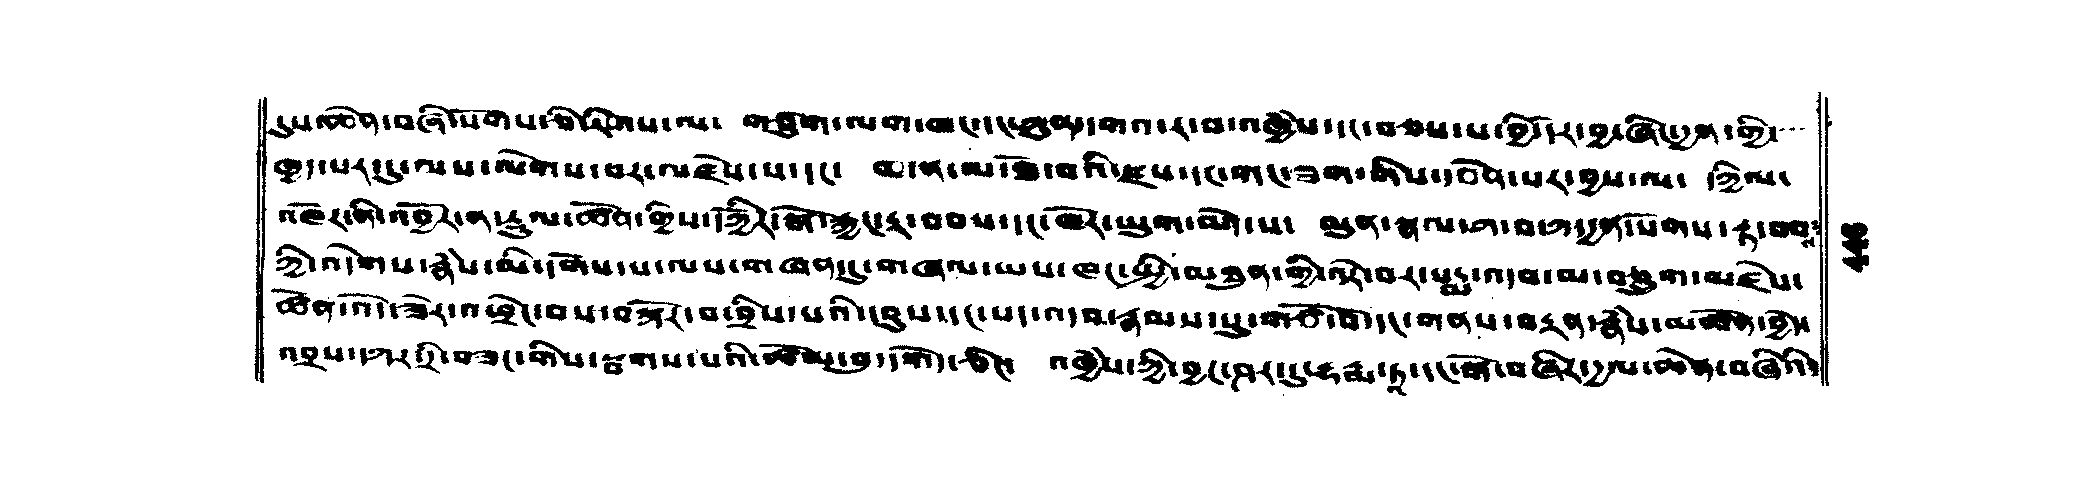དུས་ཆེན་བཞི་སོགས་ཅི་རིགས་ལ།གཙུག་ལག་ཁང་དང་ཀུན་དགའ་ར་བ་འཁྱམས་དང་བཅས་པ་བྱི་དོར་བྱ་ཞིང་རྒྱན་གྱི་
ཁྱད་པར་དུ་མས་ལེགས་པར་མཛེས་པ་དང་། ཁ་ན་མ་ཐོ་བའི་རྫས་དང་གང་ཟག་གིས་དབེན་པར་བྱས་ལ། དཀྱིལ་
འཁོར་ནི་འབྱོར་ན་རྡུལ་ཚོན་གྱིས་དཀྱིལ་འཁོར་སྒོ་རྐྱང་རྟ་བབས་དང་འཁོར་ཡུག་མེད་པ། མུན་སྣམ་ཀ་བ་ཀ་རྒྱན་སོགས་རྟ་བབས་
ཀྱི་འདེགས་རྣམས་མི་དགོས་པ་ལས་གཞན་དུ་གཞལ་ཡས་ཁང་སྤྱི་མཐུན་གྱི་ལྟེ་བར་པདྨ་འདབ་མ་བཅུ་དྲུག་མཛེས་
ཚོན་འོད་ཟེར་འཕྲེང་བས་བསྐོར་བ་བྲིས་པའི་དབུས་དང་པད་འདབ་རྣམས་སུ་གཙོ་བོ་དང་གནས་བརྟན་རྣམས་མཚོན་བྱེད་
འབྲས་དཀར་དྲི་བཟང་གིས་སྦགས་པའི་ཚོམ་བུ་འགོད་ཅིང་། འཁྱམས་ཀྱི་བྱང་ཤར་དུ་དྷརྨ་ཏཱ་དང་སྒོ་བཞིར་རྒྱལ་ཆེན་བཞིའི་